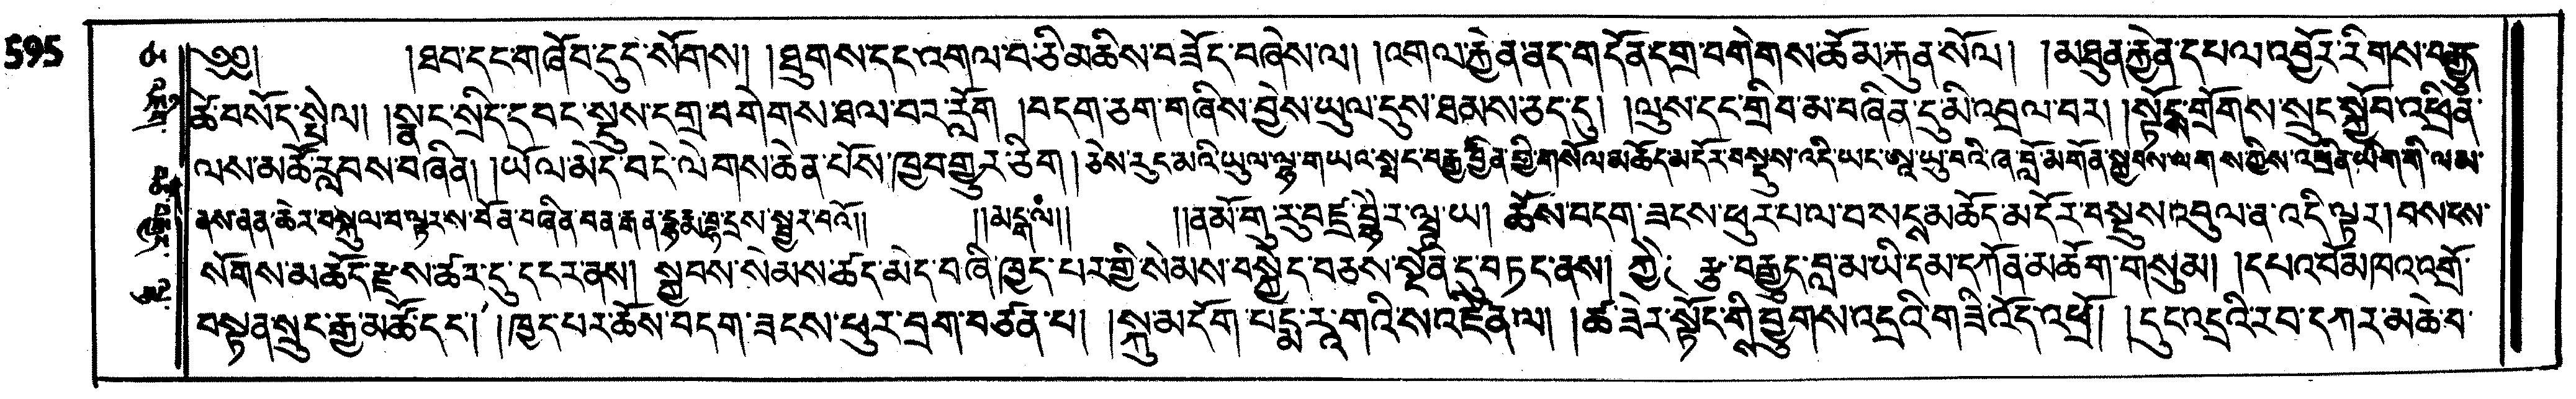༄༅། །ཐབ་དང་གཞོབ་དུང་སོགས། །ཐུགས་དང་འགལ་བ་ཅི་མཆིས་བཟོད་བཞེས་ལ། །འགལ་རྐྱེན་ནད་གདོན་དགྲ་བགེགས་ཆོམ་རྐུན་སོལ། །མཐུན་རྐྱེན་དཔལ་འབྱོར་རིགས་བརྒྱུད་
ཚེ་བསོད་སྤེལ། །སྣང་སྲིད་དབང་སྡུས་དགྲ་བགེགས་ཐལ་བར་རློག །བདག་ཅག་གཞིས་བྱེས་ཡུལ་དུས་ཐམས་ཅད་དུ། །ལུས་དང་གྲིབ་མ་བཞིན་དུ་མི་འབྲལ་བར། །སྟོངས་གྲོགས་སྲུང་སྐྱོབ་འཕྲིན་
ལས་མཚོ་རླབས་བཞིན། །ཡོལ་མེད་བདེ་ལེགས་ཆེན་པོས་ཁྱབ་གྱུར་ཅིག །ཅེས་རུང་མའི་ཡུལ་ལྷ་གཡའ་སྤང་བརྒྱ་བྱིན་གྱི་གསོལ་མཆོད་མདོར་བསྡུས་འདི་ཡང་ཨཱ་ཡུ་བའི་ཞ་བློ་མགོན་སྐྱབས་ལགས་ཀྱིས་འཕྲིན་ཡིག་གི་ལམ་
ནས་ནན་ཆེར་བསྐུལ་བ་ལྟར་ས་བོན་བཞིན་བན་རྒན་དྷརྨ་བྷདྲས་སྦྱར་བའོ།། །།མངྒ་ལཾ།། །།ན་མོ་གུ་རུ་བཛྲ་བྷཻ་ར་ཝཱ་ཡ། ཆོས་བདག་ཟངས་ཕུར་པ་ལ་བསངས་མཆོད་མདོར་བསྡུས་འབུལ་ན་འདི་ལྟར། བསངས་
སོགས་མཆོད་རྫས་ཚར་དུ་དངར་ནས། སྐྱབས་སེམས་ཚད་མེད་བཞི་ཁྱད་པར་གྱི་སེམས་བསྐྱེད་བཅས་སྔོན་དུ་བཏང་ནས། ཀྱཻ༑ རྩ་བརྒྱུད་བླ་མ་ཡི་དམ་དཀོན་མཆོག་གསུམ། །དཔའ་བོ་མཁའ་འགྲོ་
བསྟན་སྲུང་རྒྱ་མཚོ་དང་། །ཁྱད་པར་ཆོས་བདག་ཟངས་ཕུར་བྲག་བཙན་པ། །སྐུ་མདོག་པདམ་རཱ་གའི་ས་འཛིན་ལ། །ཚ་ཟེར་སྟོང་གིས་བྱུགས་འདྲའི་གཟི་འོད་འཕྲོ། །དུང་འདྲའི་རབ་དཀར་མཆེ་བ་